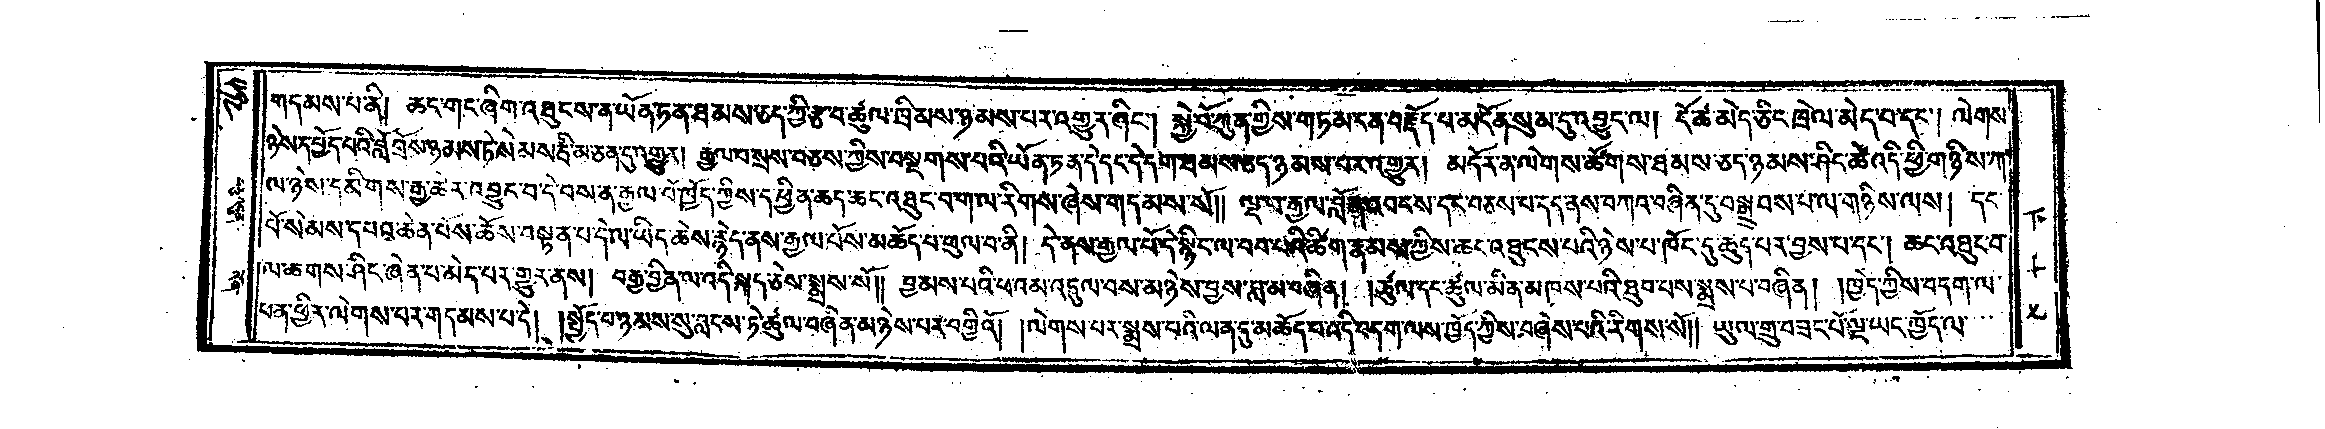གདམས་པ་ནི། ཆང་གང་ཞིག་འཐུངས་ན་ཡོན་ཏན་ཐམས་ཅད་ཀྱི་རྩ་བ་ཚུལ་ཁྲིམས་ཉམས་པར་འགྱུར་ཞིང་། སྐྱེ་བོ་ཀུན་གྱིས་གཏམ་ངན་བརྗོད་པ་མངོན་སུམ་དུ་འབྱུང་ལ། ངོ་ཚ་མེད་ཅིང་ཁྲེལ་མེད་པ་དང་། ལེགས་
ཉེས་དཔྱོད་པའི་བློ་གྲོས་ཉམས་ཏེ་སེམས་དྲི་མ་ཅན་དུ་འགྱུར། རྒྱལ་བ་སྲས་བཅས་ཀྱིས་བསྔགས་པའི་ཡོན་ཏན་དེ་དང་དེ་དག་ཐམས་ཅད་ཉམས་པར་འགྱུར། མདོར་ན་ལེགས་ཚོགས་ཐམས་ཅད་ཉམས་ཤིང་ཚེ་འདི་ཕྱི་གཉིས་ཀ་
ལ་ཉེས་དམིགས་རྒྱ་ཆེར་འབྱུང་བ་དེ་བས་ན་རྒྱལ་པོ་ཁྱོད་ཀྱིས་ད་ཕྱིན་ཆད་ཆང་འཐུང་བ་ག་ལ་རིགས་ཞེས་གདམས་སོ།། ལྔ་པ་རྒྱལ་བློན་འབངས་དང་བཅས་པ་དད་ནས་བཀའ་བཞིན་དུ་བསྒྲུབས་པ་ལ་གཉིས་ལས། དང་
པོ་སེམས་དཔའ་ཆེན་པོས་ཆོས་བསྟན་པ་དེ་ལ་ཡིད་ཆེས་རྙེད་ནས་རྒྱལ་པོས་མཆོད་པ་ཕུལ་བ་ནི། དེ་ནས་རྒྱལ་པོ་དེ་སྙིང་ལ་བབ་པའི་ཚིག་རྣམས་ཀྱིས་ཆང་འཐུངས་པའི་ཉེས་པ་ཁོང་དུ་ཆུད་པར་བྱས་པ་དང་། ཆང་འཐུང་བ་
ལ་ཆགས་ཤིང་ཞེན་པ་མེད་པར་གྱུར་ནས། བརྒྱ་བྱིན་ལ་འདི་སྐད་ཅེས་སྨྲས་སོ།། བྱམས་པའི་ཕ་འམ་འདུལ་བས་མཉེས་བྱས་བླ་མ་བཞིན། །ཚུལ་དང་ཚུལ་མིན་མཁས་པའི་ཐུབ་པས་སྨྲས་པ་བཞིན། །ཁྱེད་ཀྱིས་བདག་ལ་
ཕན་ཕྱིར་ལེགས་པར་གདམས་པ་དེ། །སྤྱོད་པ་ཉམས་སུ་བླངས་ཏེ་ཚུལ་བཞིན་མཉེས་པར་བགྱིའོ། །ལེགས་པར་སྨྲས་པའི་ལན་དུ་མཆོད་པ་འདི་བདག་ལས་ཁྱོད་ཀྱིས་བཞེས་པའི་རིགས་སོ།། ཡུལ་གྲུབ་བཟང་པོ་ལྔ་ཡང་ཁྱོད་ལ་